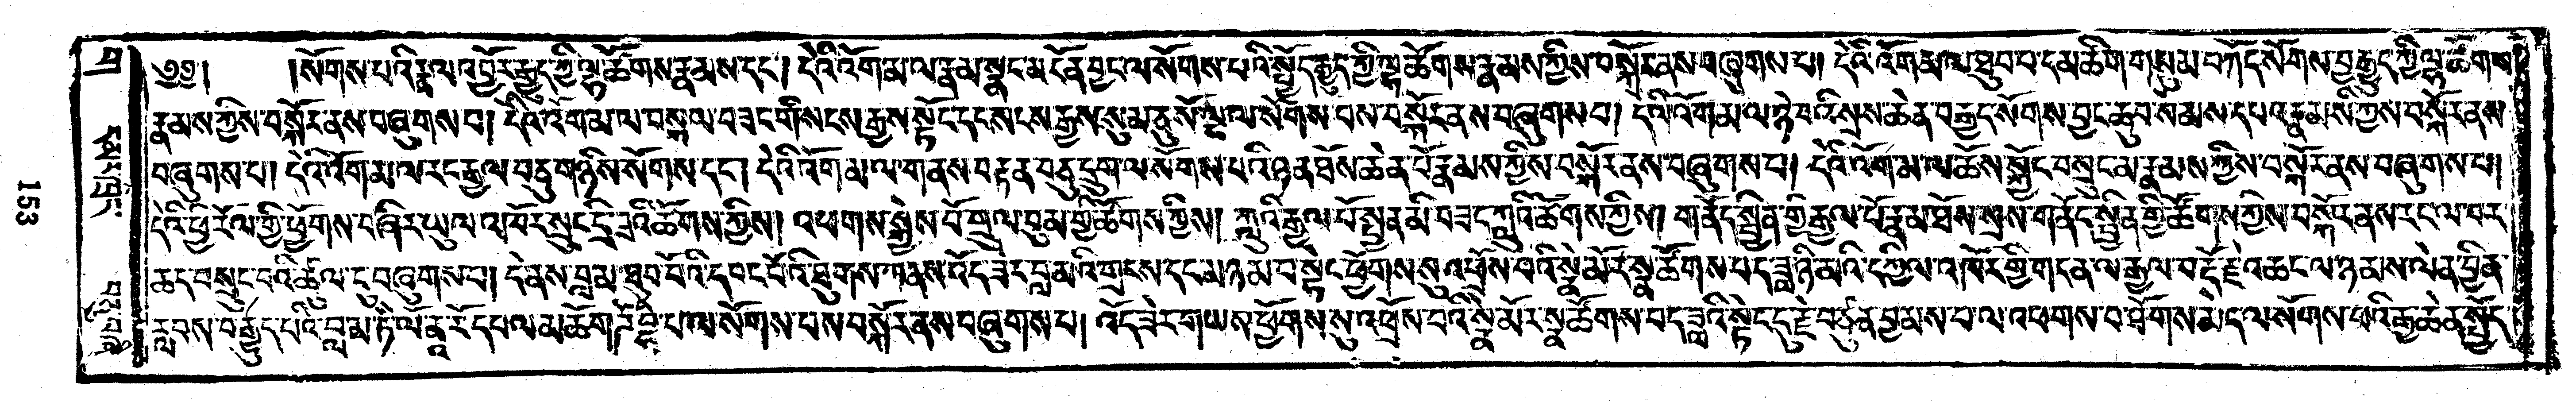༄༅། །སོགས་པའི་རྣལ་འབྱོར་རྒྱུད་ཀྱི་ལྷ་ཚོགས་རྣམས་དང་། དེའི་འོག་མ་ལ་རྣམ་སྣང་མངོན་བྱང་ལ་སོགས་པའི་སྤྱོད་རྒྱུད་ཀྱི་ལྷ་ཚོགས་རྣམས་ཀྱིས་བསྐོར་ནས་བཞུགས་པ། དེའི་འོག་མ་ལ་ཐུབ་པ་དམ་ཚིག་གསུམ་བཀོད་སོགས་བྱ་རྒྱུད་ཀྱི་ལྷ་ཚོགས་
རྣམས་ཀྱིས་བསྐོར་ནས་བཞུགས་པ། དེའི་འོག་མ་ལ་བསྐལ་བཟང་གི་སངས་རྒྱས་སྟོང་དང་སངས་རྒྱས་སུམ་ཅུ་སོ་ལྔ་ལ་སོགས་པས་བསྐོར་ནས་བཞུགས་པ། དེའི་འོག་མ་ལ་ཉེ་བའི་སྲས་ཆེན་བརྒྱད་སོགས་བྱང་ཆུབ་སེམས་དཔའ་རྣམས་ཀྱིས་བསྐོར་ནས་
བཞུགས་པ། དེའི་འོག་མ་ལ་རང་རྒྱལ་བཅུ་གཉིས་སོགས་དང་། དེའི་འོག་མ་ལ་གནས་བརྟན་བཅུ་དྲུག་ལ་སོགས་པའི་ཉན་ཐོས་ཆེན་པོ་རྣམས་ཀྱིས་བསྐོར་ནས་བཞུགས་པ། དེའི་འོག་མ་ལ་ཆོས་སྐྱོང་བསྲུང་མ་རྣམས་ཀྱིས་བསྐོར་ནས་བཞུགས་པ།
དེའི་ཕྱི་རོལ་གྱི་ཕྱོགས་བཞིར་ཡུལ་འཁོར་སྲུང་དྲི་ཟའི་ཚོགས་ཀྱིས། འཕགས་སྐྱེས་པོ་གྲུལ་བུམ་གྱི་ཚོགས་ཀྱིས། ཀླུའི་རྒྱལ་པོ་སྤྱན་མི་བཟང་ཀླུའི་ཚོགས་ཀྱིས། གནོད་སྦྱིན་གྱི་རྒྱལ་པོ་རྣམ་ཐོས་སྲས་གནོད་སྦྱིན་གྱི་ཚོགས་ཀྱིས་བསྐོར་ནས་རང་ལ་བར་
ཆད་བསྲུང་བའི་ཚུལ་དུ་བཞུགས་པ། དེ་ནས་བླ་མ་ཐུབ་བོའི་དབང་པོའི་ཐུགས་ཀ་ནས་འོད་ཟེར་བླ་མའི་གྲངས་དང་མཉམ་པ་སྟེང་ཕྱོགས་སུ་འཕྲོས་པའི་སྣེ་མོར་སྣ་ཚོགས་པད་ཟླ་ཉི་མའི་དཀྱིལ་འཁོར་གྱི་གདན་ལ་རྒྱལ་བ་རྡོ་རྗེ་འཆང་ལ་ཉམས་ལེན་བྱིན་
རླབས་བརྒྱུད་པའི་བླ་མ་ཏེ་ལོ་ནཱ་རོ་དཔལ་མཆོག་ཌོ་བྷི་པ་ལ་སོགས་པས་བསྐོར་ནས་བཞུགས་པ། འོད་ཟེར་གཡས་ཕྱོགས་སུ་འཕྲོས་པའི་སྣེ་མོར་སྣ་ཚོགས་པད་ཟླའི་སྟེང་དུ་རྗེ་བཙུན་བྱམས་པ་ལ་འཕགས་པ་ཐོགས་མེད་ལ་སོགས་པའི་རྒྱ་ཆེན་སྤྱོད་